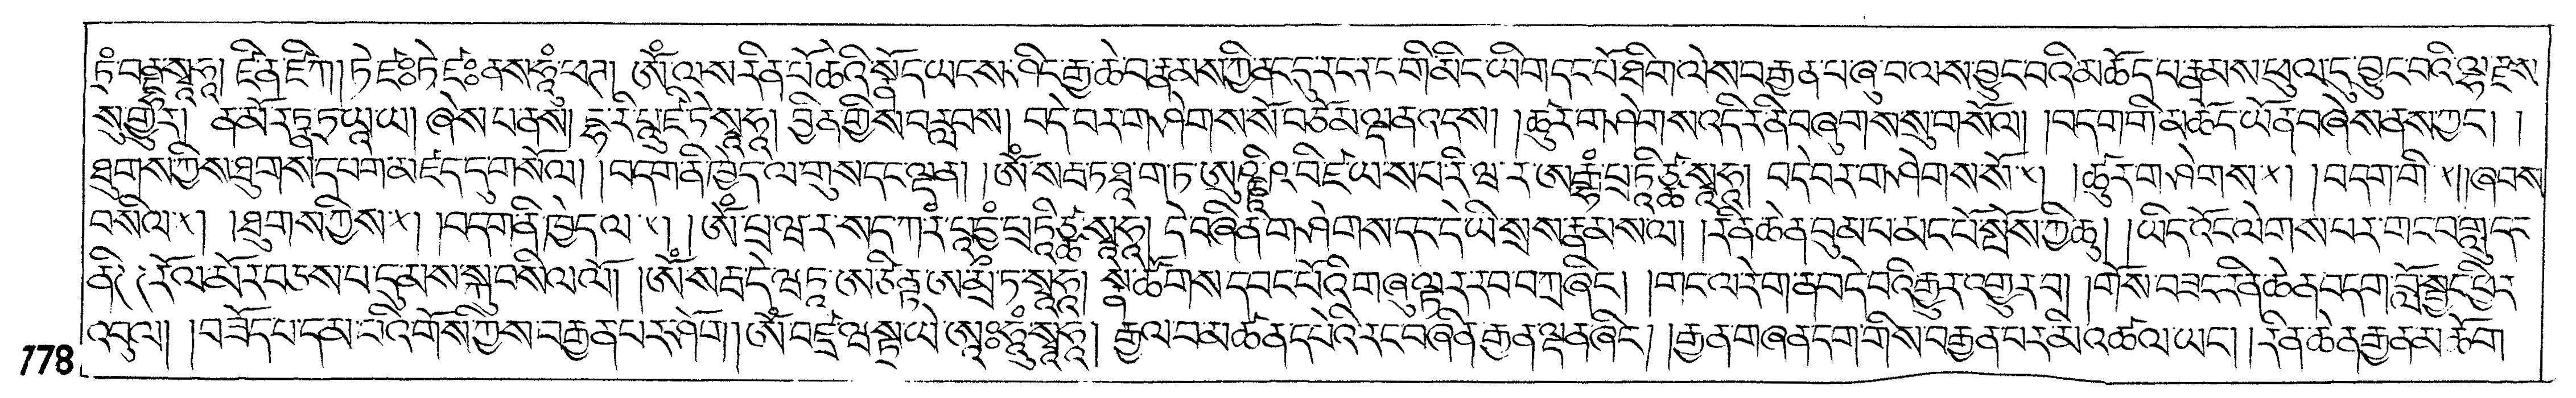ཏྲཾ་བནྡྷ་སྭཱཧཱ། ཛི་ན་ཛི་ཀ། ཏེ་ཛཿ ཏེ་ཛཿ ནས་ཧཱུཾ་ཕཊ། ཨོཾ་ལས་རིན་པོ་ཆེའི་སྣོད་ཡངས་ཤིང་རྒྱ་ཆེ་བ་རྣམས་ཀྱི་ནང་དུ་རང་རང་གི་མིང་ཡིག་དང་པོ་ཐིག་ལེས་བརྒྱན་པ་ཞུ་བ་ལས་བྱུང་བའི་མཆོད་པ་རྣམས་ཕུལ་དུ་བྱུང་བའི་ལྷ་རྫས་
སུ་གྱུར། ན་མོ་རཏྣ་ཏྲ་ཡཱ་ཡ། ཞེས་པ་ནས། དྷ་རི་པཱུ་ཛི་ཏེ་སྭཱཧཱ། བྱིན་གྱིས་བརླབས། བདེ་བར་གཤེགས་སོ་བཅོམ་ལྡན་འདས། །ཚུར་གཤེགས་འདིར་ནི་བཞུགས་སུ་གསོལ། །བདག་གི་མཆོད་ཡོན་བཞེས་ནས་ཀྱང་། །
ཐུགས་ཀྱིས་ཐུགས་དཔག་མཛད་དུ་གསོལ། །བདག་ནི་ཁྱེད་ལ་གུས་དང་ལྡན། །ཨོཾ་སརྦ་ཏ་ཐཱ་ག་ཏ་ཨུཥྞཱི་ཥ་བི་ཛ་ཡ་ས་པ་རི་ཝ་ར་ཨརྒྷཾ་པྲ་ཏཱི་ཙྪ་སྭཱཧཱ། བདེ་བར་གཤེགས་སོ་྾། །ཚུར་གཤེགས་྾། །བདག་གི་྾། །ཞབས་
བསིལ་྾། །ཐུགས་ཀྱིས་྾། །བདག་ནི་ཁྱེད་ལ་྾། །ཨོཾ་པྲ་ཝ་ར་སད་ཀ་རཾ་པཱ་དྱཾ་པྲཏཱི་ཙྪ་སྭཱཧཱ། དེ་བཞིན་གཤེགས་དང་དེ་ཡི་སྲས་རྣམས་ལ། །རིན་ཆེན་བུམ་པ་མང་པོ་སྤོས་ཀྱི་ཆུ། །ཡིད་འོང་ལེགས་པར་གང་བ་གླུ་དང་
ནི། །རོལ་མོར་བཅས་པ་དུ་མས་སྐུ་བསིལ་ལོ། །ཨོཾ་སརྦ་དེ་ཝ་ཏཱ་ཨ་ཙི་ནྟ་ཨ་མྲྀ་ཏ་སྭཱཧཱ། སྣ་ཚོགས་དབང་པོའི་གཞུ་ལྟར་རབ་བཀྲ་ཞིང་། །གང་ལ་རེག་ན་བདེ་བའི་རྒྱུར་འགྱུར་བ། །གོས་བཟང་རིན་ཆེན་བདག་བློ་སྦྱང་ཕྱིར་
འབུལ། །བཟོད་པ་དམ་པའི་གོས་ཀྱིས་བརྒྱན་པར་ཤོག །ཨོཾ་བཛྲ་ཝ་སྟྲ་ཡེ་ཨཱཿ ཧཱུཾ་སྭཱཧཱ། རྒྱལ་བ་མཚན་དཔེའི་རང་བཞིན་རྒྱན་ལྡན་ཞིང་། །རྒྱན་གཞན་དག་གིས་བརྒྱན་པར་མི་འཚལ་ཡང་། །རིན་ཆེན་རྒྱན་མཆོག་